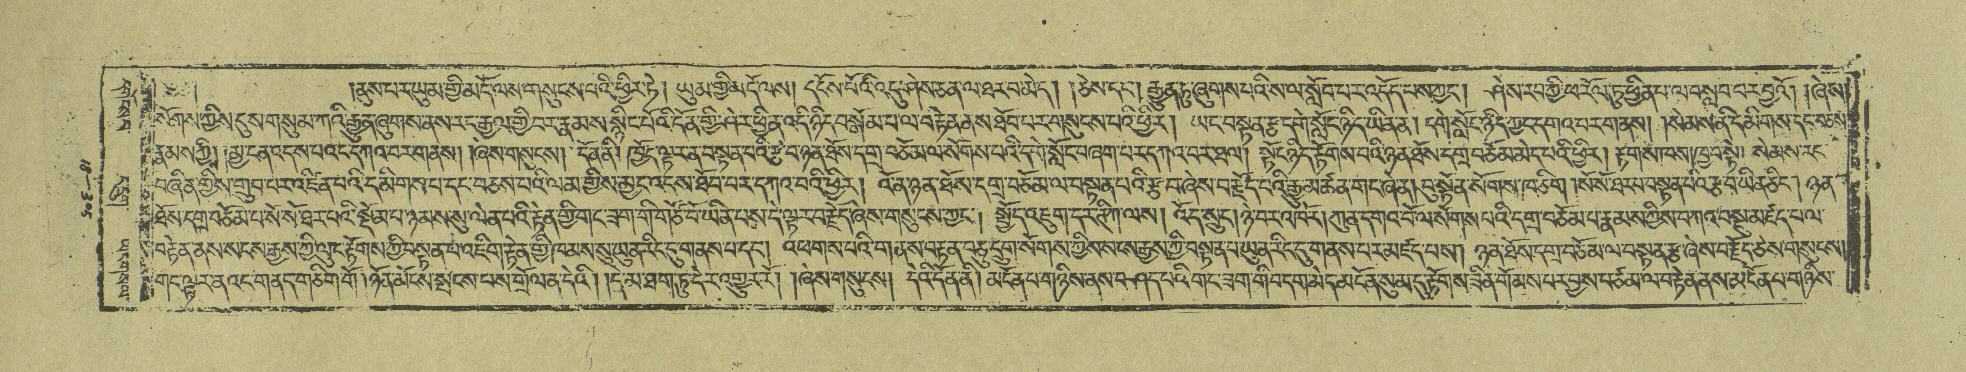༄༅། །ནུས་པར་ཡུམ་གྱི་མདོ་ལས་གསུངས་པའི་ཕྱིར་ཏེ། ཡུམ་གྱི་མདོ་ལས། དངོས་པོའི་འདུ་ཤེས་ཅན་ལ་ཐར་བ་མེད། །ཅེས་དང་། རྒྱུན་ཏུ་ཞུགས་པའི་ས་ལ་སློབ་པར་འདོད་པས་ཀྱང་། ཤེས་རབ་ཀྱི་ཕ་རོལ་ཏུ་ཕྱིན་པ་ལ་བསླབ་པར་བྱའོ། །ཞེས་
སོགས་ཀྱིས་དུས་གསུམ་ཀའི་རྒྱུན་ཞུགས་ནས་རང་རྒྱལ་གྱི་བར་རྣམས་སྙིང་པོའི་དོན་གྱི་ཤེར་ཕྱིན་འདི་ཉིད་བསྒོམ་པ་ལ་བརྟེན་ནས་ཐོབ་པར་གསངས་པའི་ཕྱིར། ཡང་བསྟན་རྩ་དགེ་སློང་ཉིད་ཡིན་ན། དགེ་སློང་ཉིད་ཀྱང་དགའ་བར་གནས། །སེམས་ནི་དམིགས་དང་བཅས་
རྣམས་ཀྱི། །མྱ་ངན་འདས་པའང་དཀའ་བར་གནས། །ཞེས་གསུངས། དོན་ནི། ཁྱེད་ལྟར་ན་བསྟན་པའི་རྩ་བ་ཉན་ཐོས་དགྲ་བཅོམ་ལ་སོགས་པའི་དགེ་སློང་བཞག་པར་དཀའ་བར་ཐལ། སྟོང་ཉིད་རྟོགས་པའི་ཉན་ཐོས་དགྲ་བཅོམ་མེད་པའི་ཕྱིར། རྟགས་ཁས། ཁྱབ་སྟེ། སེམས་རང་
བཞིན་གྱིས་གྲུབ་པར་འཛིན་པའི་དམིགས་པ་དང་བཅས་པའི་ལམ་གྱིས་མྱང་འདས་ཐོབ་པར་དཀའ་བའི་ཕྱིར། འོ་ན་ཉན་ཐོས་དགྲ་བཅོམ་ལ་བསྟན་པའི་རྩ་བ་ཞེས་བརྗོད་པའི་རྒྱུ་མཚན་གང་ཞེ་ན། བུ་སྟོན་སོགས་ཁ་ཅིག །སོ་སོ་ཐར་བ་བསྟན་པའི་རྩ་བ་ཡིན་ཅིང་། ཉན་
ཐོས་དགྲ་བཅོམ་པ་སོ་སོ་ཐར་པའི་སྡོམ་པ་ཉམས་སུ་ལན་པའི་རྟེན་གྱི་གང་ཟག་གི་གཙོ་བོ་ཡིན་པས་དེ་ལྟར་བརྗོད་ཞེས་གསུངས་ཀྱང་། སྤྱོད་འཇུག་དར་ཊིཀ་ལས། འོད་སྲུང་། ཉེ་བར་འཁོར། ཀུན་དགའ་བོ་ལ་སོགས་པའི་དགྲ་བཅོམ་པ་རྣམས་ཀྱིས་བཀའ་བསྡུ་མཛད་པ་ལ་
བརྟེན་ནས་སངས་རྒྱས་ཀྱི་ལུང་རྟོགས་ཀྱི་བསྟན་པ་འཇིག་རྟེན་གྱི་ཁམས་སུ་ཡུན་རིང་དུ་གནས་པ་དང་། འཕགས་པའི་གནས་བརྟན་བཅུ་དྲུག་སོགས་ཀྱིས་སངས་རྒྱས་ཀྱི་བསྟན་པ་ཡུན་རིང་དུ་གནས་པར་མཛད་པས། ཉན་ཐོས་དགྲ་བཅོམ་ལ་བསྟན་རྩ་ཞེས་བརྗོད་ཅེས་གསུངས།
གང་ལྟར་ནའང་གནད་གཅིག་གོ །ཉོན་མོངས་སྤངས་པས་གྲོལ་ན་དེའི། །དེ་མ་ཐག་ཏུ་དེར་འགྱུར་རོ། །ཞེས་གསུངས། དེའི་དོན་ནི། མངོན་པ་གཉིས་ནས་བཤད་པའི་གང་ཟག་གི་བདག་མེད་མངོན་སུམ་དུ་རྟོགས་ཟིན་གོམས་པར་བྱས་པ་ཙམ་ལ་བརྟེན་ནས་མངོན་པ་གཉིས་